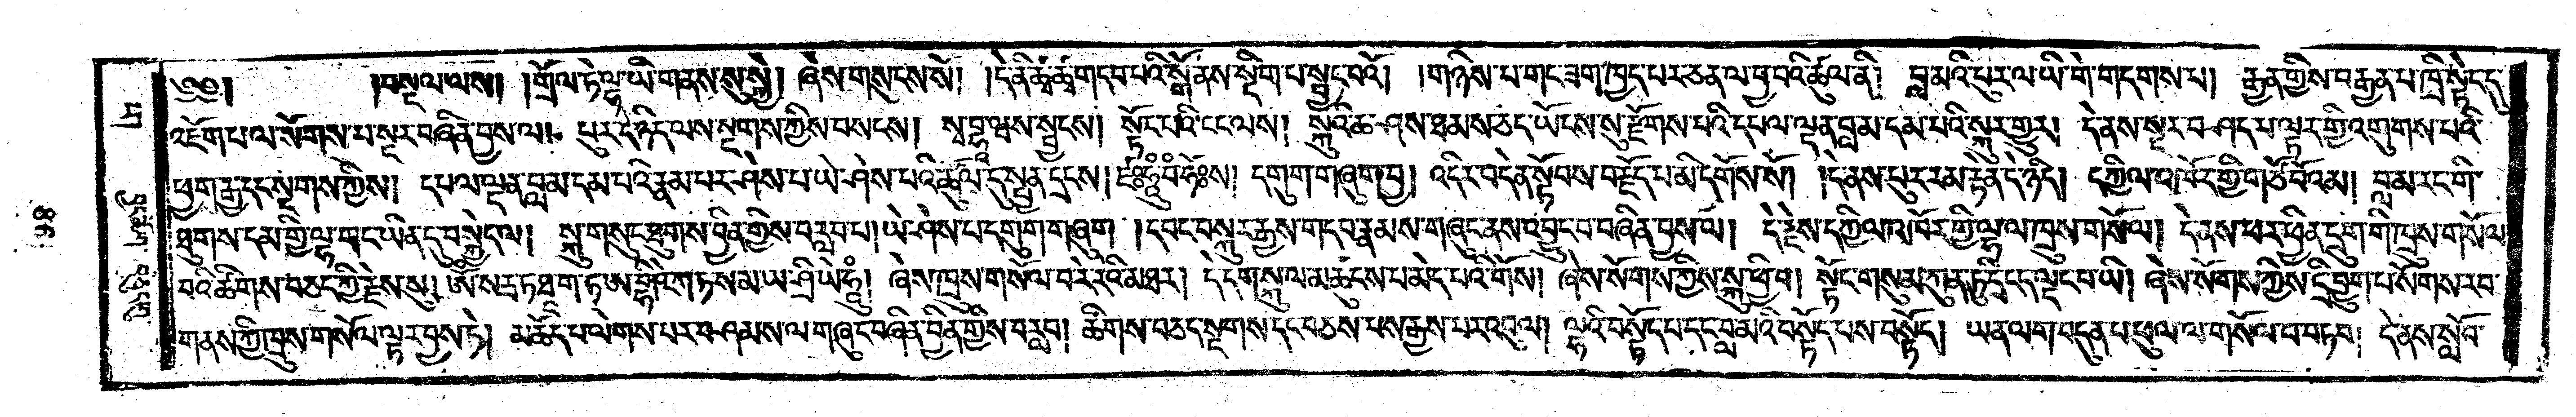༄༅། །བསྔལ་ལས། །གྲོལ་ཏེ་ལྷ་ཡི་གནས་སུ་སྐྱེ། ཞེས་གསུངས་སོ། །དེ་ནི་ཚྭ་ཚྭ་གདབ་པའི་སྒོ་ནས་སྡིག་པ་སྦྱང་བའོ། །གཉིས་པ་གང་ཟག་ཁྱད་པར་ཅན་ལ་བྱ་བའི་ཚུལ་ནི། བླ་མའི་པུར་ལ་ཡི་གེ་གདགས་པ། རྒྱན་གྱིས་བརྒྱན་པ་ཁྲི་སྟེང་དུ་
འཇོག་པ་ལ་སོགས་པ་སྔར་བཞིན་བྱས་ལ། པུར་དེ་ཉིད་ལས་སྔགས་ཀྱིས་བསངས། སྭ་བྷཱ་ཝས་སྦྱངས། སྟོང་པའི་ངག་ལས། སྐུའི་ཆ་ཤས་ཐམས་ཅད་ཡོངས་སུ་རྫོགས་པའི་དཔལ་ལྡན་བླ་མ་དམ་པའི་སྐུར་གྱུར། དེ་ནས་སྔར་བཤད་པ་ལྟར་གྱི་འགུགས་པའི་
ཕྱག་རྒྱ་དང་སྔགས་ཀྱིས། དཔལ་ལྡན་བླ་མ་དམ་པའི་རྣམ་པར་ཤེས་པ་ཡེ་ཤེས་པའི་ཚུལ་དུ་སྤྱན་དྲངས། ཛཿཧཱུཾ་བཾ་ཧོཿས། དགུག་གཞུག་བྱ། འདིར་བདེན་སྟོབས་བརྗོད་པ་མི་དགོས་སོ། །དེ་ནས་པུར་རམ་རྟེན་དེ་ཉིད། དཀྱིལ་འཁོར་གྱི་གཙོ་བོའམ། བླ་མ་རང་གི་
ཐུགས་དམ་གྱི་ལྷ་གང་ཡིན་དུ་བསྐྱེད་ལ། སྐུ་གསུང་ཐུགས་བྱིན་གྱིས་བརླབ་པ། ཡེ་ཤེས་པ་དགུག་གཞུག །དབང་བསྐུར་རྒྱས་གདབ་རྣམས་གཞུང་ནས་འབྱུང་བ་བཞིན་བྱས་ལ། དེ་རྗེས་དཀྱིལ་འཁོར་གྱི་ལྷ་ལ་ཁྲུས་གསོལ། དེ་ནས་ཕར་ཕྱིན་དྲུག་གི་ཁྲུས་གསོལ་
བའི་ཚིགས་བཅད་ཀྱི་རྗེས་སུ། ཨོཾ་སརྦ་ཏ་ཐཱ་ག་ཏ་ཨ་བྷིཥེ་ཀ་ཏ་ས་མ་ཡ་ཤྲི་ཡེ་ཧཱུཾ། ཞེས་ཁྲུས་གསོལ་བ་རེ་རེའི་མཐར། དེ་དག་སྐུ་ལ་མཚུངས་པ་མེད་པའི་གོས། ཞེས་སོགས་ཀྱིས་སྐུ་ཕྱི་བ། །སྟོང་གསུམ་ཀུན་ཏུ་དྲི་ངད་ལྡང་བ་ཡི། ཞེས་སོགས་ཀྱིས་དྲི་བྱུག་པ་སོགས་རབ་
གནས་ཀྱི་ཁྲུས་གསོལ་ལྟར་བྱས་ཏེ། མཆོད་པ་ལེགས་པར་བཤམས་ལ་གཞུང་བཞིན་བྱིན་གྱིས་བརླབ། ཚིགས་བཅད་སྔགས་དང་བཅས་པས་རྒྱས་པར་འབུལ། ལྷའི་བསྟོད་པ་དང་བླ་མའི་བསྟོད་པས་བསྟོད། ཡན་ལག་བདུན་པ་ཕུལ་ལ་གསོལ་བ་བཏབ། དེ་ནས་སློབ་